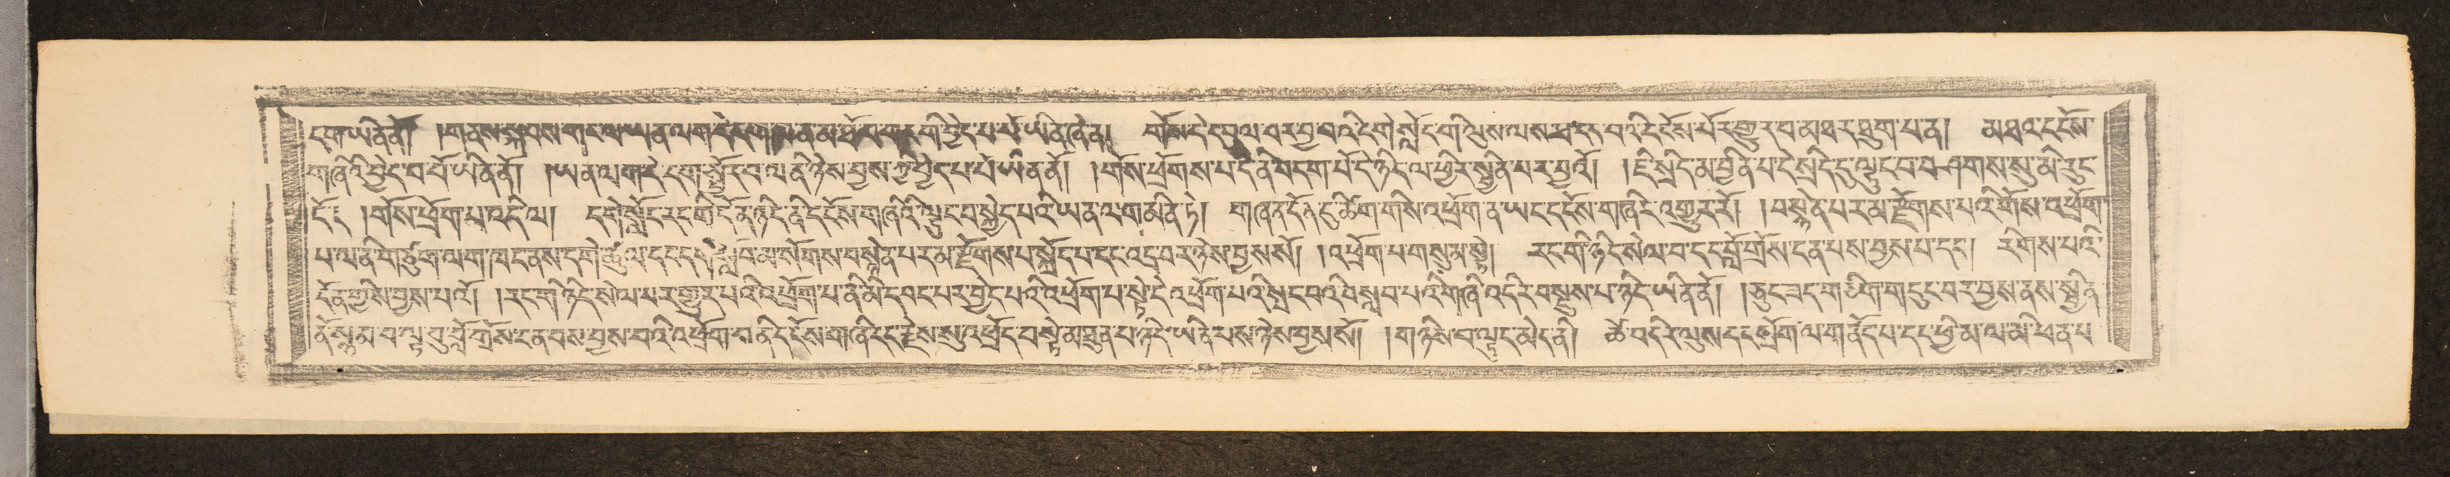དག་ཡིན་ནོ། །གནས་སྐབས་གང་ལ་ཡན་ལག་དེ་དག་ཁ་ན་མ་ཐོ་བ་གང་གི་བྱེད་པ་པོ་ཡིན་ཞེ་ན། གོས་དེ་དཔྲལ་བར་བྱ་བའི་དགེ་སློང་གི་ལུས་ལས་ཐ་དད་པའི་དངོས་པོར་གྱུར་པ་མཐར་ཐུག་པ་ན། མཐའ་དངོས་
གཞིའི་བྱེད་པ་པོ་ཡིན་ནོ། །ཡན་ལག་དེ་དག་སྦྱོར་བ་ལ་ནི་ཉེས་བྱས་ཀྱི་བྱེད་པ་པོ་ཡིན་ནོ། །གོས་ཕྲོགས་པ་དེ་ནི་བདག་པོ་དེ་ཉིད་ལ་ཕྱིར་སྦྱིན་པར་བྱའོ། །ཇི་སྲིད་མ་བྱིན་པ་དེ་སྲིད་དུ་ལྟུང་བ་བཤགས་སུ་མི་རུང་
ངོ༑ །གོས་ཕྲོག་པ་འདི་ལ། དགེ་སློང་རང་གི་དོན་ཉིད་ནི་དངོས་གཞིའི་ལྟུང་བ་སྐྱེད་པའི་ཡན་ལག་མིན་ཏེ། གཞན་དོན་དུ་ཚིག་གིས་འཕྲོག་པ་ཡང་དངོས་གཞིར་འགྱུར་རོ། །བསྙེན་པར་མ་རྫོགས་པའི་གོས་འཕྲོག་
པ་ལ་ནི་གཙུག་ལག་ཁང་ནས་དགེ་ཚུལ་དང་དགེ་སློབ་མ་སོགས་བསྙེན་པར་མ་རྫོགས་པ་སྐྲོད་པ་དང་འདྲ་བར་ཉེས་བྱས་སོ། །འཕྲོག་པ་གསུམ་སྟེ། རང་གི་ཉིད་སེལ་བ་དང་བློ་གྲོས་ངན་པས་བྱས་པ་དང་། རིགས་པའི་
དོན་གྱིས་བྱས་པའོ། །རང་གི་ཉིད་སེལ་བར་གྱུར་པའི་འཕྲོག་པ་ནི་མི་དབང་བར་བྱེད་པའི་འཕྲོག་པ་སྟེ་དེ་འཕྲོག་པའི་སྤང་བའི་བསླབ་པའི་གཞི་འདིར་བསྡུས་པ་ཉིད་ཡིན་ནོ། །ཅུང་ཟད་གཅིག་གདུང་བར་བྱས་ནས་སྦྱིན་
ནོ་སྙམ་པ་ལྟ་བུ་བློ་གྲོས་ངན་པས་བྱས་པའི་འཕྲོག་པ་ནི་དངོས་གཞི་དང་རྗེས་སུ་འཕྲོད་།སྟེ་མཐུན་པ་ཉིད་ཡིན་པས་ཉེས་བྱས་སོ། །གཉིས་པ་ལྟུང་མེད་ནི། ཚེ་འདིར་ལུས་དང་སྲོག་ལ་གནོད་པ་དང་ཕྱི་མ་ལ་མི་ཕན་པ་